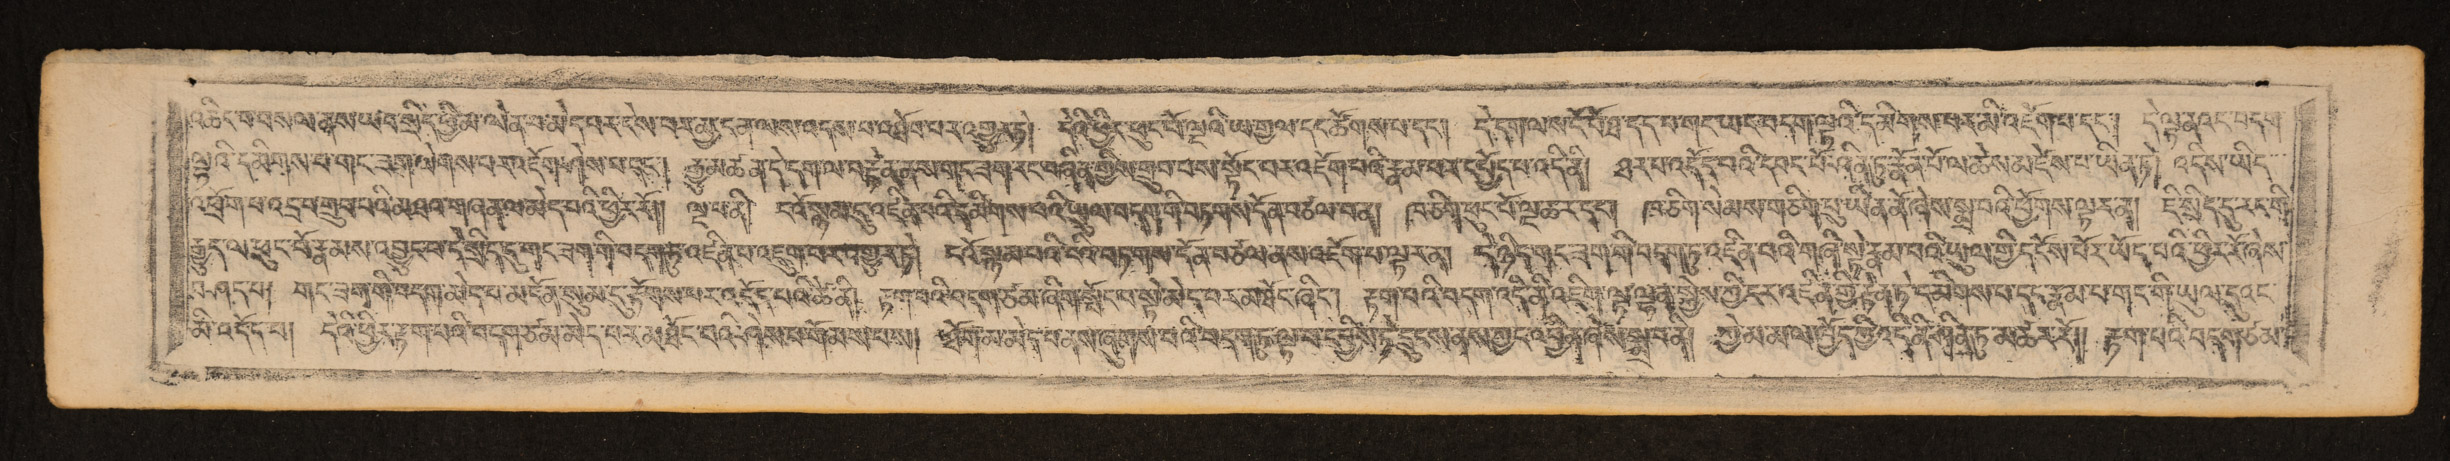འཆིང་བ་བསལ་ནས་ཡང་སྲིད་ཕྱི་མ་ལེན་པ་མེད་པར་ངེས་པར་མྱ་ངན་ལས་འདས་པ་འཐོབ་པར་འགྱུར་ཏེ། དེའི་ཕྱིར་ཕུང་པོ་ལྔའི་ཡ་གྱལ་དང་ཚོགས་པ་དང་། དེ་དག་ལས་ངོ་བོ་ཐ་དད་པ་གང་ཡང་བདག་ལྟའི་དམིགས་པར་མི་འཇོག་པ་དང་། དེ་ལྟ་ནའང་བདག་
ལྷའི་དམིགས་པ་གང་ཟག་ལེགས་པར་འཇོག་ཤེས་པ་དང་། རྒྱུ་མཚན་དེ་དག་ལ་བརྟེན་ནས་གང་ཟག་རང་བཞིན་གྱིས་གྲུབ་པས་སྟོང་པར་འཇོག་པའི་རྣམ་པར་དཔྱོད་པ་འདི་ནི། ཐར་པ་འདོད་པའི་དབང་པོ་ཤིན་ཏུ་རྣོན་པོ་ལ་ཆེས་མཛེས་པ་ཡིན་ཏེ། འདིས་ཡིད་
འཕྲོག་པ་འདྲ་བ་གྲུབ་པའི་མཐའ་གཞན་ལ་མེད་པའི་ཕྱིར་རོ།། ལྔ་པ་ནི། ངའོ་སྙམ་དུ་འཛིན་པའི་དམིགས་པའི་ཡུལ་བདག་གི་བཏགས་དོན་བཙལ་བ་ན། ཁ་ཅིག་ཕུང་པོ་ལྔ་ཆར་དང་། ཁ་ཅིག་སེམས་གཅིག་པུ་ཡིན་ནོ་ཞེས་སྨྲ་བའི་ཕྱོགས་ལྟར་ན། ཇི་སྲིད་དུ་རང་གི་
རྒྱུད་ལ་ཕུང་པོ་རྣམས་འབྱུང་བ་དེ་སྲིད་དུ་གང་ཟག་གི་བདག་ཏུ་འཛིན་པ་འཇུག་པར་འགྱུར་ཏེ། ངའོ་སྙམ་པའི་ངའི་བཏགས་དོན་བཙལ་ནས་འཇོག་པ་ལྟར་ན། དེ་ཉིད་གང་ཟག་གི་བདག་ཏུ་འཛིན་པའི་གཞི་སྟེ་རྣམ་པའི་ཡུལ་གྱི་དངོས་པོར་ཡོད་པའི་ཕྱིར་རོ་ཞེས་
བཤད་པ། གང་ཟག་གི་བདག་མེད་པ་མངོན་སུམ་དུ་རྟོགས་པར་འདོད་པའི་ཚེ་ན། རྟག་པའི་བདག་ཙམ་ཞིག་སྤོང་བ་སྟེ་མེད་པར་མཐོང་ཞིང་། རྟག་པའི་བདག་འདི་ནི་འཇིག་ལྟ་ལྷན་སྐྱེས་ཀྱི་ངར་འཛིན་གྱི་རྟེན་ཏེ་དམིགས་པ་དང་རྣམ་པ་གང་གི་ཡུལ་དུའང་
མི་འདོད་པ། དེའི་ཕྱིར་རྟག་པའི་བདག་ཙམ་མེད་པར་མཐོང་བའི་ཤེས་པ་གོམས་པས། ཐོག་མ་མེད་པ་ནས་ཞུགས་པའི་བདག་ཏུ་ལྟ་བ་དབྱིས་ཏེ་དྲུངས་ནས་ཀྱང་འབྱིན་ཞེས་སྨྲ་བ་ནི། ཀྱེ་མ་མ་ལ་ཁྱོད་ཀྱི་འདི་ནི་ཤིན་ཏུ་མཚར་རོ།། རྟག་པའི་བདག་ཙམ་